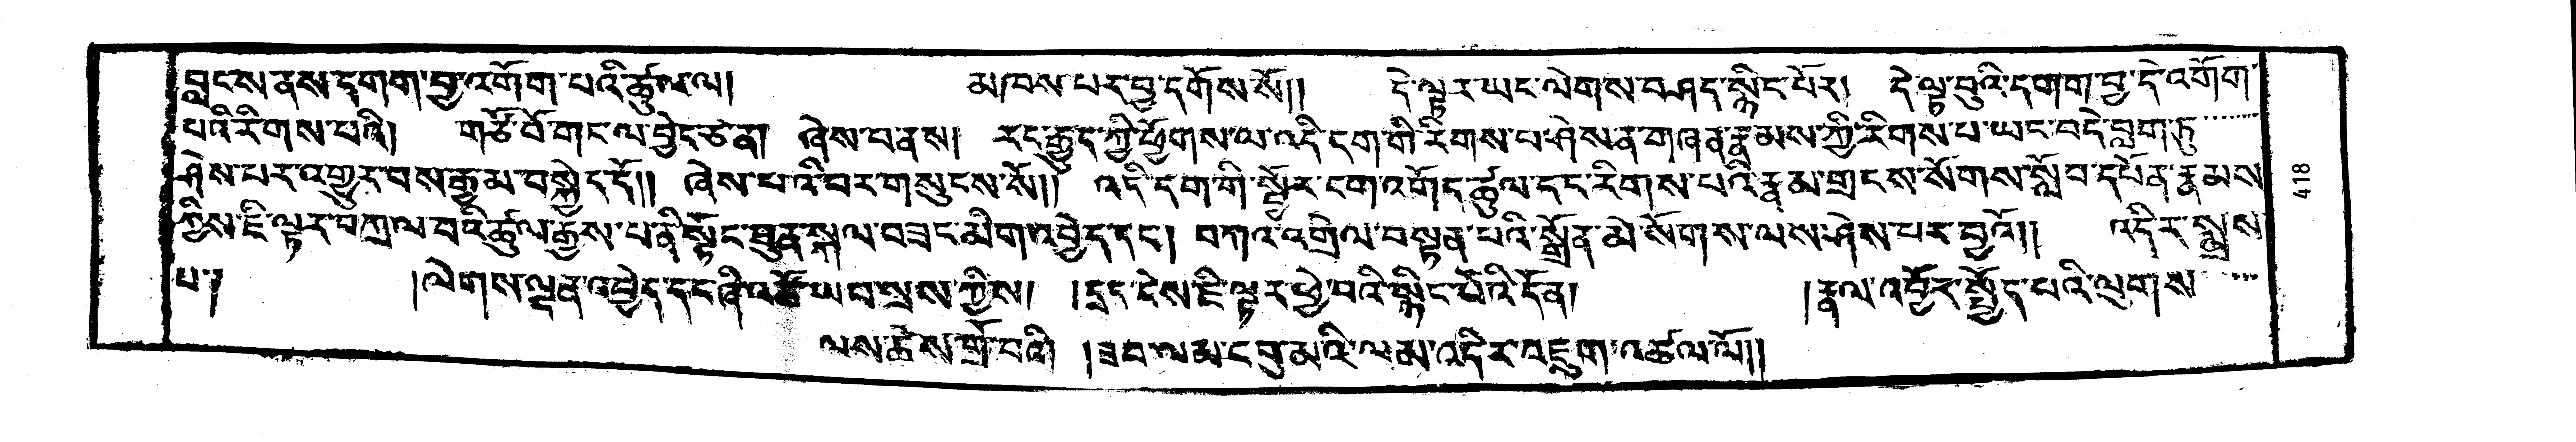བླངས་ནས་དགག་བྱ་འགོག་པའི་ཚུལ་ལ། མཁས་པར་བྱ་དགོས་སོ། །དེ་ལྟར་ཡང་ལེགས་བཤད་སྙིང་པོར། དེ་ལྟ་བུའི་དགག་བྱ་དེ་འགོག་
པའི་རིགས་པའི། གཙོ་བོ་གང་ལ་བྱེད་ཅེ་ན། ཞེས་པ་ནས། རང་རྒྱུད་ཀྱི་ཕྱོགས་ལ་འདི་དག་གི་རིགས་པ་ཤེས་ན་གཞན་རྣམས་ཀྱི་རིགས་པ་ཡང་བདེ་བླག་ཏུ་
ཤེས་པར་འགྱུར་བས་རྒྱ་མ་བསྐྱེད་དོ། །ཞེས་པའི་བར་གསུངས་སོ། །འདི་དག་གི་སྦྱོར་ངག་འགོད་ཚུལ་དང་རིགས་པའི་རྣམ་གྲངས་སོགས་སློབ་དཔོན་རྣམས་
ཀྱིས་ཇི་ལྟར་བཀྲལ་བའི་ཚུལ་རྒྱས་པ་ནི་སྟོང་ཐུན་སྐལ་བཟང་མིག་འབྱེད་དང་། བཀའ་འགྲེལ་བསྟན་པའི་སྒྲོན་མེ་སོགས་ལས་ཤེས་པར་བྱའོ། །འདིར་སྨྲས་
པ། །ལེགས་ལྡན་འབྱེད་དང་ཞི་འཚོ་ཡབ་སྲས་ཀྱིས། །དྲང་ངེས་ཇི་ལྟར་ཕྱེ་བའི་སྙིང་པོའི་དོན། །རྣལ་འབྱོར་སྤྱོད་པའི་ལུགས་
ལས་ཆེས་གྲོ་བའི། །ཟབ་ལམ་དབུ་མའི་ལམ་འདིར་འཇུག་འཚལ་ལོ། །